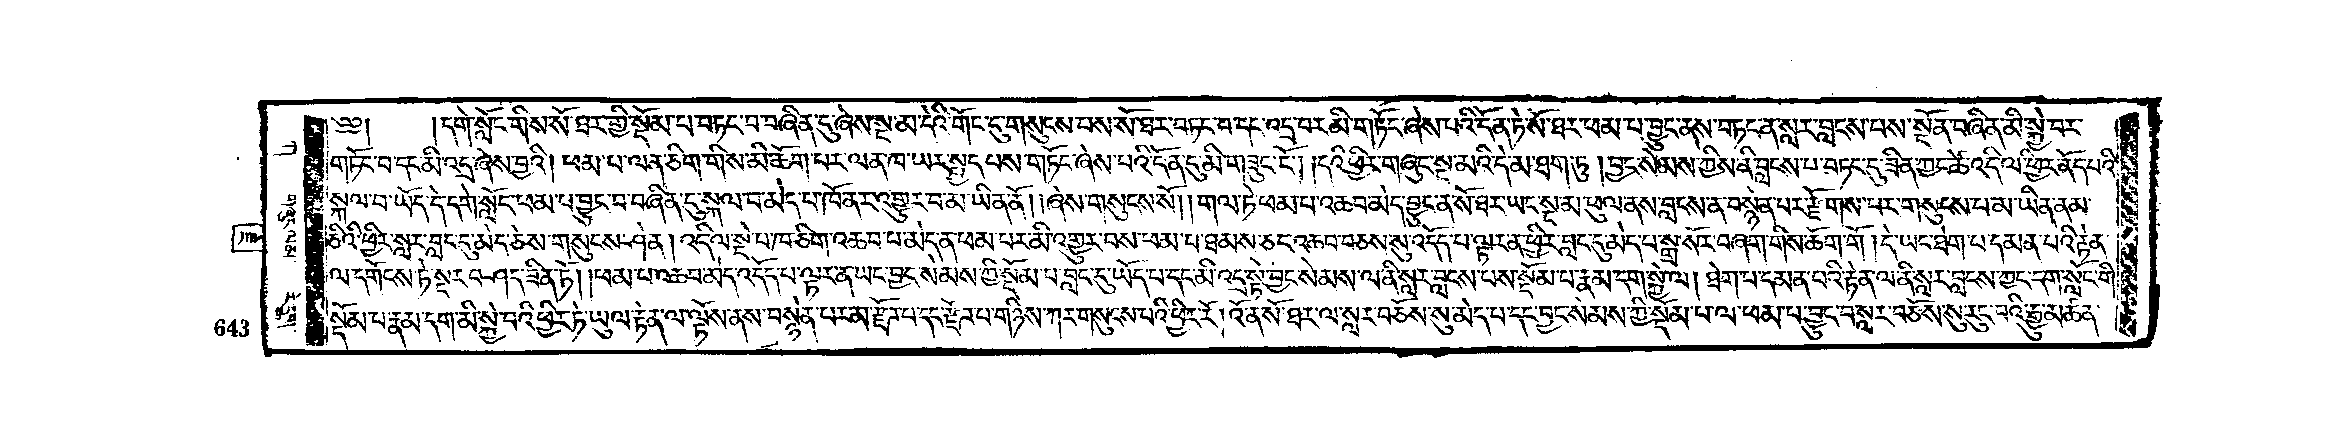༄༅། །དགེ་སློང་གིས་སོ་ཐར་གྱི་སྡོམ་པ་བཏང་བ་བཞིན་དུ་ཞེས་སྔ་མ་དེའི་གོང་དུ་གསུངས་པས་སོ་ཐར་བཏང་བ་དང་འདྲ་བར་མི་གཏོང་ཞེས་པའི་དོན་ཏེ་སོ་ཐར་ཕམ་པ་བྱུང་ནས་བཏང་ན་སླར་བླངས་པས་སྔོན་བཞིན་མི་སྐྱེ་བར་
གཏོང་བ་དང་མི་འདྲ་ཞེས་བྱའི། ཕམ་པ་ལན་ཅིག་གིས་མི་ཆོག་པར་ལན་ཁ་ཡར་སྤྱད་པས་གཏོང་ཞེས་པའི་དོན་དུ་མི་གཟུང་ངོ། །དེའི་ཕྱིར་གཞུང་སྔ་མའི་དེ་མ་ཐག་ཏུ། བྱང་སེམས་ཀྱིས་ནི་བླངས་པ་བཏང་དུ་ཟིན་ཀྱང་ཚེ་འདི་ལ་ཕྱིར་ནོད་པའི་
སྐལ་བ་ཡོད་དེ་དགེ་སློང་ཕམ་པ་བྱུང་བ་བཞིན་དུ་སྐལ་བ་མེད་པ་ཁོ་ནར་འགྱུར་བ་མ་ཡིན་ནོ། །ཞེས་གསུངས་སོ། །གལ་ཏེ་ཕམ་པ་འཆབ་མེད་བྱུང་ན་སོ་ཐར་ཡང་སྔ་མ་ཕུལ་ནས་བླངས་ན་བསྙེན་པར་རྫོགས་པར་གསུངས་པ་མ་ཡིན་ནམ་
ཅིའི་ཕྱིར་སླར་བླང་དུ་མེད་ཅེས་གསུངས་ཤེ་ན། འདི་ལ་སྡེ་པ་ཁ་ཅིག་འཆབ་པ་མེད་ན་ཕམ་པར་མི་འགྱུར་བས་ཕམ་པ་ཐམས་ཅད་འཆབ་བཅས་སུ་འདོད་པ་ལྟར་ན་ཕྱིར་བླང་དུ་མེད་པ་སྒྲ་སོར་བཞག་གིས་ཆོག་གོ །དེ་ཡང་ཐེག་པ་དམན་པའི་རྟེན་
ལ་དགོངས་ཏེ་སྔར་བཤད་ཟིན་ཏོ། །ཕམ་པ་འཆབ་མེད་འདོད་པ་ལྟར་ན་ཡང་བྱང་སེམས་ཀྱི་སྡོམ་པ་བླང་དུ་ཡོད་པ་དང་མི་འདྲ་སྟེ་བྱང་སེམས་ལ་ནི་སླར་བླངས་པས་སྡོམ་པ་རྣམ་དག་སྐྱེ་ལ། ཐེག་པ་དམན་པའི་རྟེན་ལ་ནི་སླར་བླངས་ཀྱང་དག་སློང་གི་
སྡོམ་པ་རྣམ་དག་མི་སྐྱེ་བའི་ཕྱིར་ཏེ་ཡུལ་རྟེན་ལ་ལྟོས་ནས་བསྙེན་པར་མ་རྫོཌ་པ་དང་རྫོཌ་པ་གཉིས་ཀར་གསུངས་པའི་ཕྱིར་རོ། འོ་ན་སོ་ཐར་ལ་སླར་བཅོས་སུ་མེད་པ་དང་བྱང་སེམས་ཀྱི་སྡོམ་པ་ལ་ཕམ་པ་བྱུང་བ་སླར་བཅོས་སུ་རུང་བའི་རྒྱུ་མཚན་